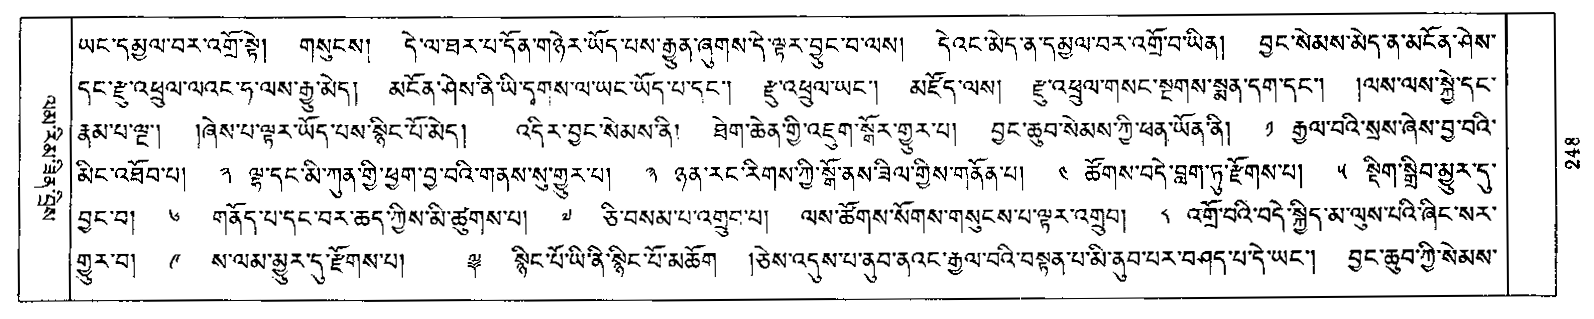ཡང་དམྱལ་བར་འགྲོ་སྟེ། གསུངས། དེ་ལ་ཐར་པ་དོན་གཉེར་ཡོད་པས་རྒྱུན་ཞུགས་དེ་ལྟར་བྱུང་བ་ལས། དེའང་མེད་ན་དམྱལ་བར་འགྲོ་བ་ཡིན། བྱང་སེམས་མེད་ན་མངོན་ཤེས་
དང་རྫུ་འཕྲུལ་ལའང་ཧ་ལས་རྒྱུ་མེད། མངོན་ཤེས་ནི་ཡི་དྭགས་ལ་ཡང་ཡོད་པ་དང་། རྫུ་འཕྲུལ་ཡང་། མཛོད་ལས། རྫུ་འཕྲུལ་གསང་སྔགས་སྨན་དག་དང་། །ལས་ལས་སྐྱེ་དང་
རྣམ་པ་ལྔ། །ཞེས་པ་ལྟར་ཡོད་པས་སྙིང་པོ་མེད། འདིར་བྱང་སེམས་ནི། ཐེག་ཆེན་གྱི་འཇུག་སྒོར་གྱུར་པ། བྱང་ཆུབ་སེམས་ཀྱི་ཕན་ཡོན་ནི། ༡་རྒྱལ་བའི་སྲས་ཞེས་བྱ་བའི་
མིང་འཐོབ་པ། ༢་ལྷ་དང་མི་ཀུན་གྱི་ཕྱག་བྱ་བའི་གནས་སུ་གྱུར་པ། ༣་ཉན་རང་རིགས་ཀྱི་སྒོ་ནས་ཟིལ་གྱིས་གནོན་པ། ༤་ཚོགས་བདེ་བླག་ཏུ་རྫོགས་པ། ༥་སྡིག་སྒྲིབ་མྱུར་དུ་
བྱང་བ། ༦་གནོད་པ་དང་བར་ཆད་ཀྱིས་མི་ཚུགས་པ། ༧་ཅི་བསམ་པ་འགྲུབ་པ། ལས་ཚོགས་སོགས་གསུངས་པ་ལྟར་འགྲུབ། ༨་འགྲོ་བའི་བདེ་སྐྱིད་མ་ལུས་པའི་ཞིང་སར་
གྱུར་བ། ༩་ས་ལམ་མྱུར་དུ་རྫོགས་པ། ༈ སྙིང་པོ་ཡི་ནི་སྙིང་པོ་མཆོག །ཅེས་འདུས་པ་ནུབ་ནའང་རྒྱལ་བའི་བསྟན་པ་མི་ནུབ་པར་བཤད་པ་དེ་ཡང་། བྱང་ཆུབ་ཀྱི་སེམས་